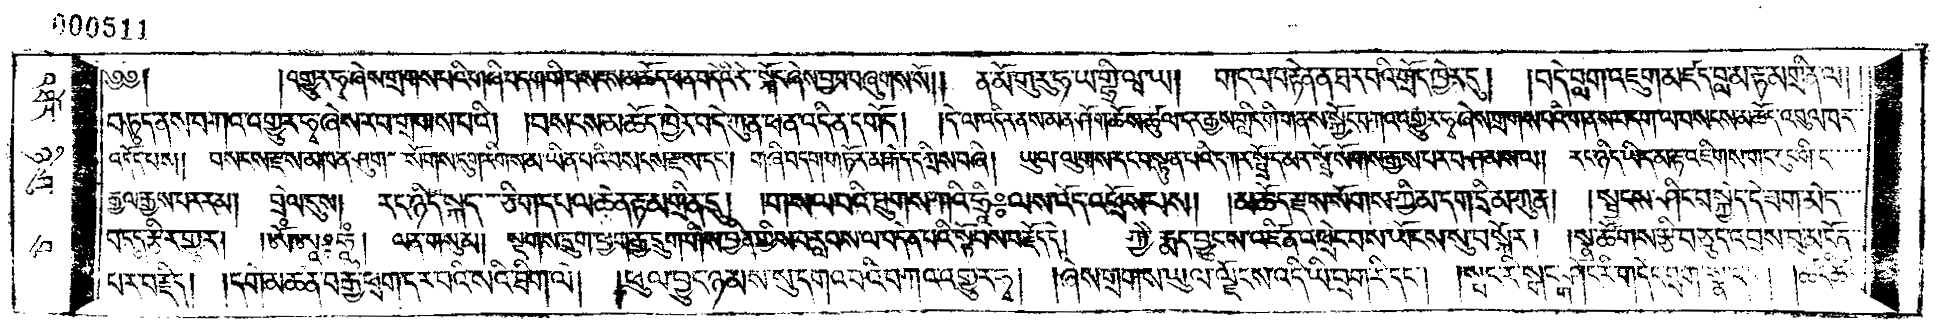༄༅། །འགྱུར་ཧྭ་ཞེས་གྲགས་པའི་གཞི་བདག་གི་བསངས་མཆོད་ཕན་བདེའི་རེ་སྐོང་ཞེས་བྱ་བ་བཞུགས་སོ།། ན་མོ་གུ་རུ་ཧ་ཡ་གྷྲི་ཝ་ཡ། གང་ལ་བརྟེན་ན་ཐར་པའི་གྲོང་ཁྱེར་དུ། །བདེ་བླག་འཇུག་མཛད་བླ་མ་རྟ་མགྲིན་ལ། །
བཏུད་ནས་བཀའ་འགྱུར་ཧྭ་ཞེས་རབ་གྲགས་པའི། །བསངས་མཆོད་ཁྱེར་བདེ་ཀུན་ཕན་འདི་ན་དགོད། །དེ་ལ་འདིར་ནས་མན་ཤོག་ཆོས་ཚུལ་དར་རྒྱས་གླིང་གི་གནས་སྐྱོང་བཀའ་འགྱུར་ཧྭ་ཞེས་གྲགས་པའི་གནས་བདག་ལ་བསངས་མཆོད་འབུལ་བར་
འདོད་པས། བསངས་རྫས་མཁན་ཤུག་སོགས་དུག་རིགས་མ་ཡིན་པའི་བསངས་རྫས་དང་། གཞི་བདག་གཏོར་མ་རྐེད་དཀྲིས་བཞི། ཡུལ་ལུགས་དང་བསྟུན་པའི་དཀར་སྤྲོ་དམར་སྤྲོ་སོགས་རྒྱས་པར་བཤམས་ལ། རང་ཉིད་ཡི་དམ་རྟ་འཇིགས་གང་རུང་གི་ང་
རྒྱལ་རྒྱས་པར་རམ། བྲེལ་དུས། རང་ཉིད་སྐད་ཅིག་དཔལ་ཆེན་རྟ་མགྲིན་དུ། །གསལ་བའི་ཐུགས་ཀའི་ཧྲཱིཿ ལས་འོད་འཕྲོས་པས། །མཆོད་རྫས་སོགས་ཀྱི་མ་དག་དྲི་མ་ཀུན། །སྦྱངས་ཤིང་བསྐྱེད་དེ་ཟག་མེད་
བདུད་རྩིར་གྱུར། །ཨོཾ་ཨཱཿ ཧཱུཾ། ལན་གསུམ། སྔགས་དྲུག་ཕྱག་རྒྱ་དྲུག་གིས་བྱིན་གྱིས་བརླབས་ལ་བདེན་པའི་སྟོབས་བརྗོད་དེ།  ཀྱཻ་རྨད་བྱུང་ས་འཛིན་འཕྲེང་བས་ཡོངས་སུ་བསྐོར། །སྣ་ཚོགས་རྩི་བཅུད་འབྲས་བུ་མངོན་
པར་བརྗིད། །དགེ་མཚན་བརྒྱ་ཕྲག་དར་བའི་སའི་ཐིག་ལེ། །ཕུལ་བྱུང་ཉམས་སུ་དགའ་བའི་བཀའ་འགྱུར་ཧྭ། །ཞེས་གྲགས་ཡུལ་ལྗོངས་འདི་ཡི་བྲག་རི་དང་། །སྤང་རི་སྒང་གཤོང་རི་གདོང་བྲག་སྣ་དང་། །ཚང་ཚིང་